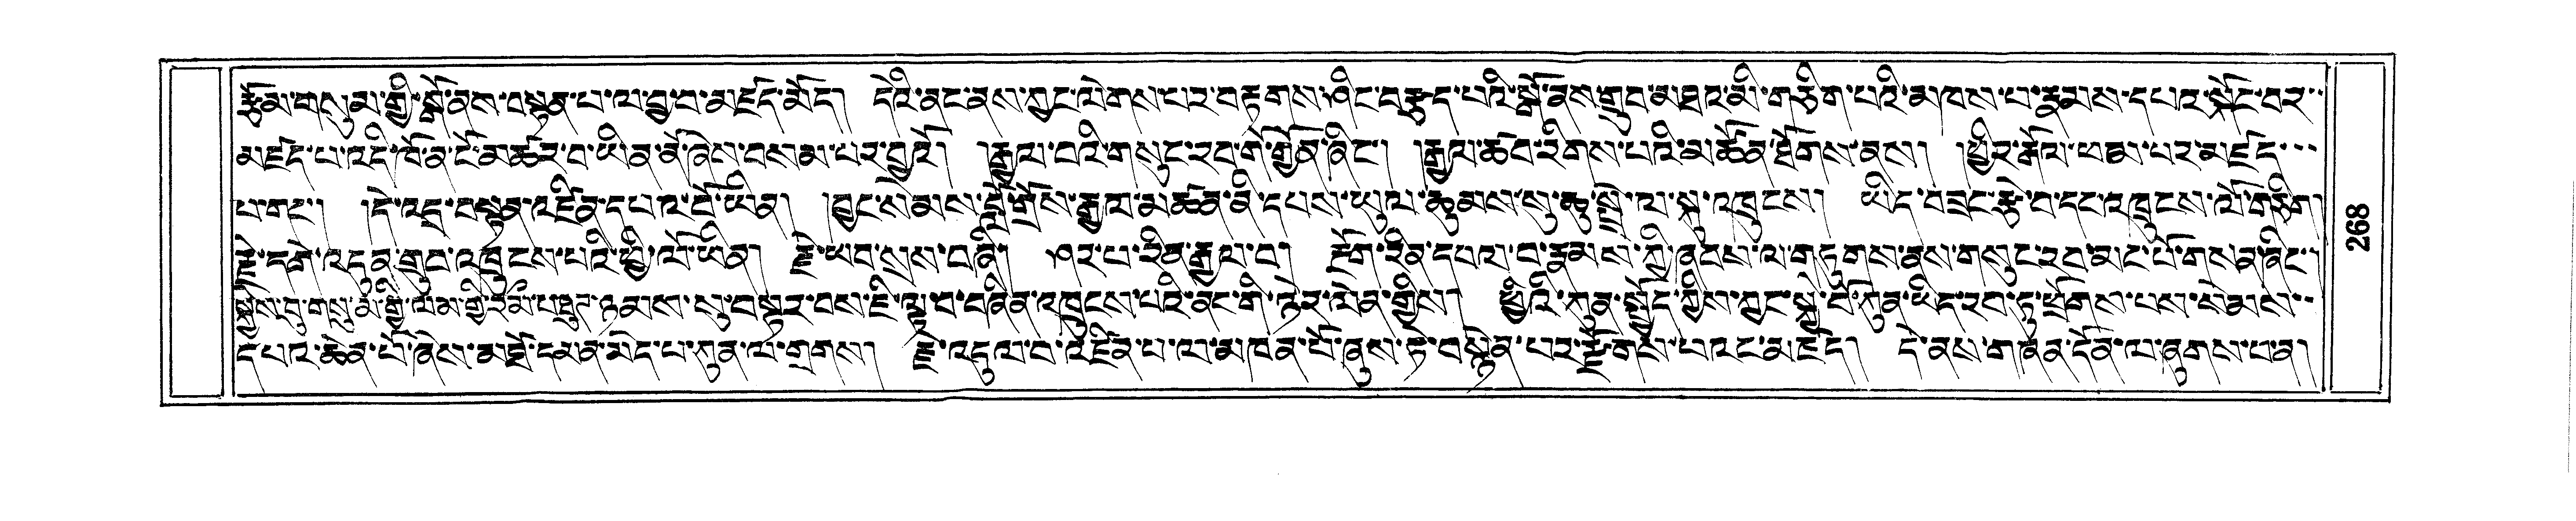རྩོམ་གསུམ་གྱི་སྒོ་ནས་བསྟན་པ་ལ་བྱ་བ་མཛད་མོད། དེའི་ནང་ནས་ཀྱང་ལེགས་པར་བརྟགས་ཤིང་བརྩད་པའི་སྒོ་ནས་གྲུབ་མཐའ་མི་གཅིག་པའི་མཁས་པ་རྣམས་དཔའ་སྐོང་བར་
མཛད་པ་འདི་ཁོ་ན་ངོ་མཚར་བ་ཡིན་ནོ་ཞེས་བསམ་པར་བྱའོ། །རྒྱལ་བའི་གསུང་རབ་གོ་གྱོན་ཞིང་། །རྒྱལ་ཚབ་རིགས་པའི་མཚོན་ཐོགས་ནས། །ཕྱིར་རྒོལ་ཕམ་པར་མཛད་
པ་གང་། །དེ་འདྲ་བསྟན་འཛིན་དཔའ་བོ་ཡིན། །བྱང་སེམས་བློ་གྲོས་རྒྱལ་མཚན་ནི་དཔས་ཡུལ་ཆུམས་སུ་ཆུ་སྤྲེ་ལ་སྐུ་འཁྲུངས། ཡིད་བཟང་རྩེ་བ་དང་འཁྲུངས་ལོ་གཅིག།
རྗེ་དགེ་འདུན་གྲུབ་འཁྲུངས་པའི་ཕྱི་ལོ་ཡིན། རྗེ་ཡབ་སྲས་བཞི། ཤར་པ་རིན་རྒྱལ་བ། རྔོག་རིན་དཔལ་བ་རྣམས་ཀྱི་ཞབས་ལ་གཏུགས་ནས་གསུང་རབ་མང་པོ་གསན་ཞིང་།
སྐྱེས་བུ་གསུམ་གྱི་ལམ་གྱི་རྀམ་པ་ཐུཌ་ཉམས་སུ་བསྟར་བས་ཇི་ལྟ་བ་བཞིན་འཁྲུངས་པའི་ནང་གི་ཉེར་ལེན་གྱིས། ཕྱིའི་ཀུན་སྤྱོད་ཀྱིས་ཀྱང་སྐྱེ་བོ་ཀུན་ཡིད་རབ་ཏུ་ཕྲོགས་པས་སེམས་
དཔའ་ཆེན་པོ་ཞེས་མཐོ་དམན་མེད་པ་ཀུན་ལ་གྲགས། རྗེ་འདུལ་བ་འཛིན་པ་ལ་མཁན་པོ་ཞུས་ཏེ་བསྙེན་པར་རྫོགས་པའང་མཛད། དེ་ནས་གཞན་དོན་ལ་ཞུགས་པ་ན།